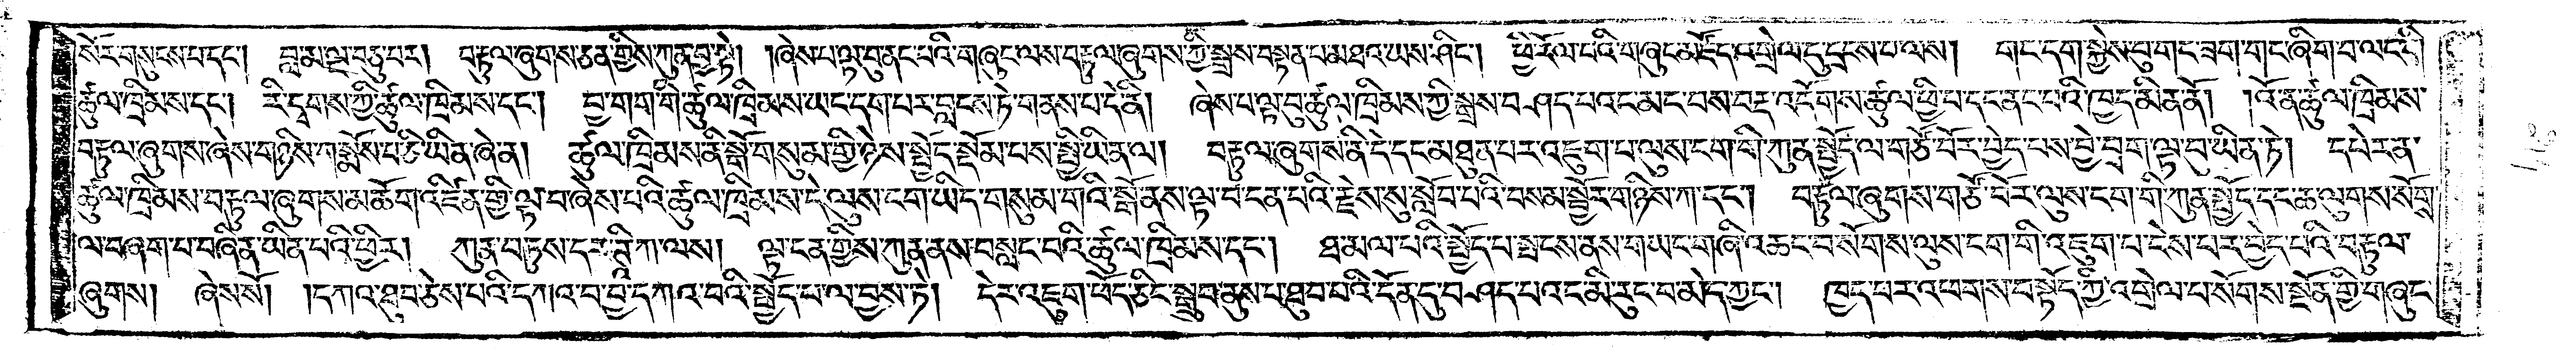སོར་གསུངས་བདག། བླ་མ་ལྔ་བཅུ་བར། བརྟུལ་ཞུགས་ཅན་གྱིས་ཀུན་བྱ་སྟེ། །ཞེས་པ་ལྟ་བུ་ནད་པའི་གཞུང་ལས་བརྟུལ་ཞུགས་ཀྱི་སྒྲས་བསྟོན་པ་མཐའ་ཡས་ཤིང་། ཕྱི་རོལ་པའི་གཞུང་མཛོད་འགྲེལ་དུ་དྲངས་པ་ལས། གང་དག་སྐྱེས་བུ་གང་ཟག་གང་ཞིག་བ་ལང་གི་
ཚུལ་ཁྲིམས་དང་། རི་དྭགས་ཀྱི་ཚུལ་ཁྲིམས་དང་། བྱ་གག་གི་ཚུལ་ཁྲིམས་ཡང་དག་པར་བླངས་ཏེ་གནས་པ་དེ་ནི། ཞེས་པ་ལྟ་བུ་ཚུལ་ཁྲིམས་ཀྱི་སྒྲས་བཤད་པའང་མང་བས་བརྔ་འདོགས་ཚུལ་ཕྱི་པ་དང་ནང་པའི་ཁྱད་མིན་ནོ། །འོ་ན་ཚུལ་ཁྲིམས་
བརྟུལ་ཞུགས་ཞེས་གཉིས་ཀ་སྨོས་པ་ཅི་ཡིན་ཞེ་ན། ཚུལ་ཁྲིམས་ནི་སྒོ་གསུམ་གྱི་ཉེས་སྤྱོད་སྡོམ་པས་སྤྱི་ཡིན་ལ། བརྟུལ་ཞུགས་ནི་དེ་དང་མཐུན་པར་འཇུག་པ་ལུས་ངག་གི་ཀུན་སྤྱོད་ལ་གཙོ་པོར་བྱེད་པས་བྱེ་བྲག་ལྟ་བུ་ཡིན་ཏེ། དཔེར་ན་
ཚུལ་ཁྲིམས་བརྟུལ་ཞུགས་མཆོག་འཛིན་གྱི་ལྟ་བ་ཞེས་པའི་ཚུལ་ཁྲིམས་དེ་ལུས་ངག་ཡིད་གསུམ་གའི་སྒོ་ནས་ལྟ་བ་དན་པའི་རྗེས་སུ་སློབ་པའི་བསམ་སྦྱོར་གཉིས་ཀ་དང་། བརྟུལ་ཞུགས་གཙོ་བོར་ལུས་ངག་གི་ཀུན་སྤྱོད་དང་ཆ་ལུགས་སོགས་
ལ་བཞག་པ་བཞིན་ཡིན་བའི་ཕྱིར། ཀུན་བཏུས་དར་ཊཱིཀ་ལས། ལྟ་ངག་གྱིས་ཀུན་ནས་བསླང་བའི་ཚུལ་ཁྲིམས་དང་། ཐ་མལ་པའི་སྤྱོད་པ་སྤེངས་ནས་གཡང་གཞི་འཆང་བ་སོགས་ལུས་ངག་གི་འཇུག་པ་ངེས་པར་བྱེད་པའི་བརྟུལ་
ཞུགས། ཞེས་སོ། །དཀའ་ཐུབ་ཅེས་པའི་དཀའ་བ་བྱ་དཀའ་བའི་སྤྱོད་པ་ལ་བྱས་ཏེ། དེར་འཇུག་ཕོད་ཅིང་སྒྲུབ་ནུས་པ་ཐུབ་པའི་དོན་དུ་བཤད་པའང་མི་རུང་བ་མེད་ཀྱང་། ཁྱད་པར་འཕགས་བསྟོད་ཀྱི་འགྲེལ་པ་སོགས་སྔོན་གྱི་གཞུང་